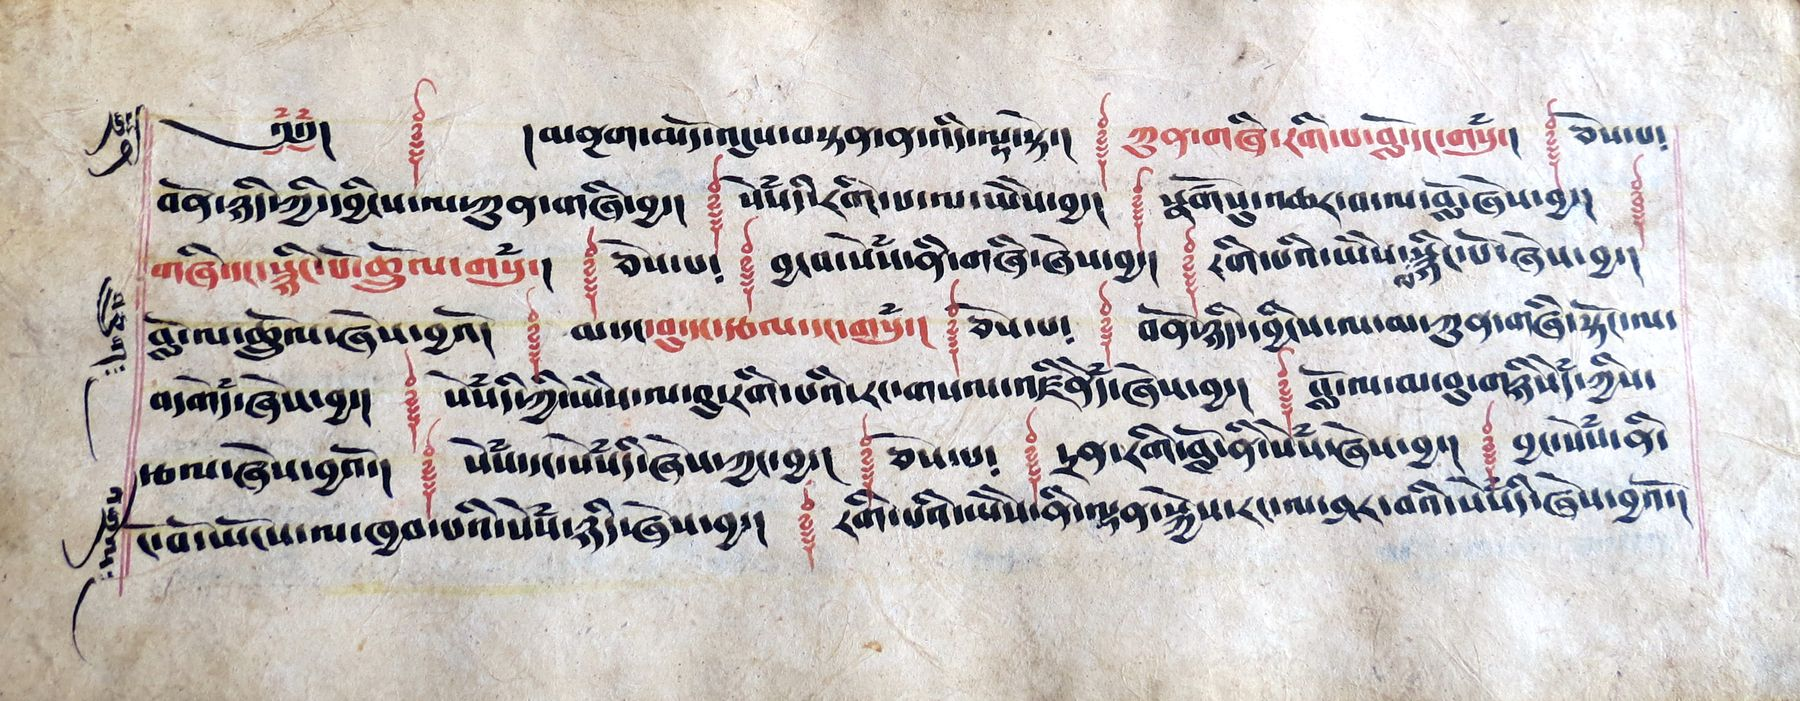མན་ངག་མདོ་རུ་བསྡུས་ཏེ་བསྟན་ན། འདི་ལྟ་སྟེ། ཀུན་གཞི་རིག་པ་བློ་དང་གསུམ་ཞེས་པས། 
བོན་ཉིད་ཀྱི་དབྱིངས་ལ་ཀུན་གཞི་ཞེས་བྱ། སེམས་ཉིད་ཀྱི་རིག་པ་ལ་ཡེ་ཤེས་ཞེས་བྱ། སྣ་ཚོགས་སུ་འཆར་བ་ལ་བློ་ཞེས་བྱ། 
གཞི་དང་སྙིང་པོ་ཆོ་འཕྲུལ་གསུམ། །ཞེས་པས། བྱང་ཆུབ་སེམས་ནི་གཞི་ཞེས་བྱ། རིག་པའི་ཡེ་ཤེས་ལ་སྙིང་པོ་ཞེས་བྱ། 
བློ་ལ་ཆོ་འཕྲུལ་ཞེས་བྱའོ། །མ་དང་བུ་དང་རྩལ་དང་གསུམ་ཞེས་པས། བོན་ཉིད་ཀྱི་དབྱིངས་ལ་མ་ཀུན་གཞི་སྟོང་ལ་
བདག་མེད་ཅེས་བྱ། སེམས་ཉིད་ཀྱི་ཡེ་ཤེས་ལ་བུ་རིག་པ་རང་གསལ་འཛིན་མེད་ཅེས་བྱ། བློ་ལ་མ་བུ་གཉིས་མེད་ཀྱིས་
རྩལ་ཞེས་བྱ་བའོ། །སེམས་དང་སེམས་ཉིད་ཅེས་ཀྱང་བྱ། །ཞེས་པས་དྲན་རིག་བློ་ནི་སེམས་ཞེས་བྱ། བྱང་ཆུབ་སེམས་ནི་
ངོ་བོ་ཡོངས་ལ་ཁྱབ་པའི་སེམས་ཉིད་ཅེས་བྱ། རིག་པའི་ཡེ་ཤེས་ནི། ལྷན་སྐྱེས་རང་ལ་ཤར་བའི་སེམས་ཉིད་ཅེས་བྱའོ། །